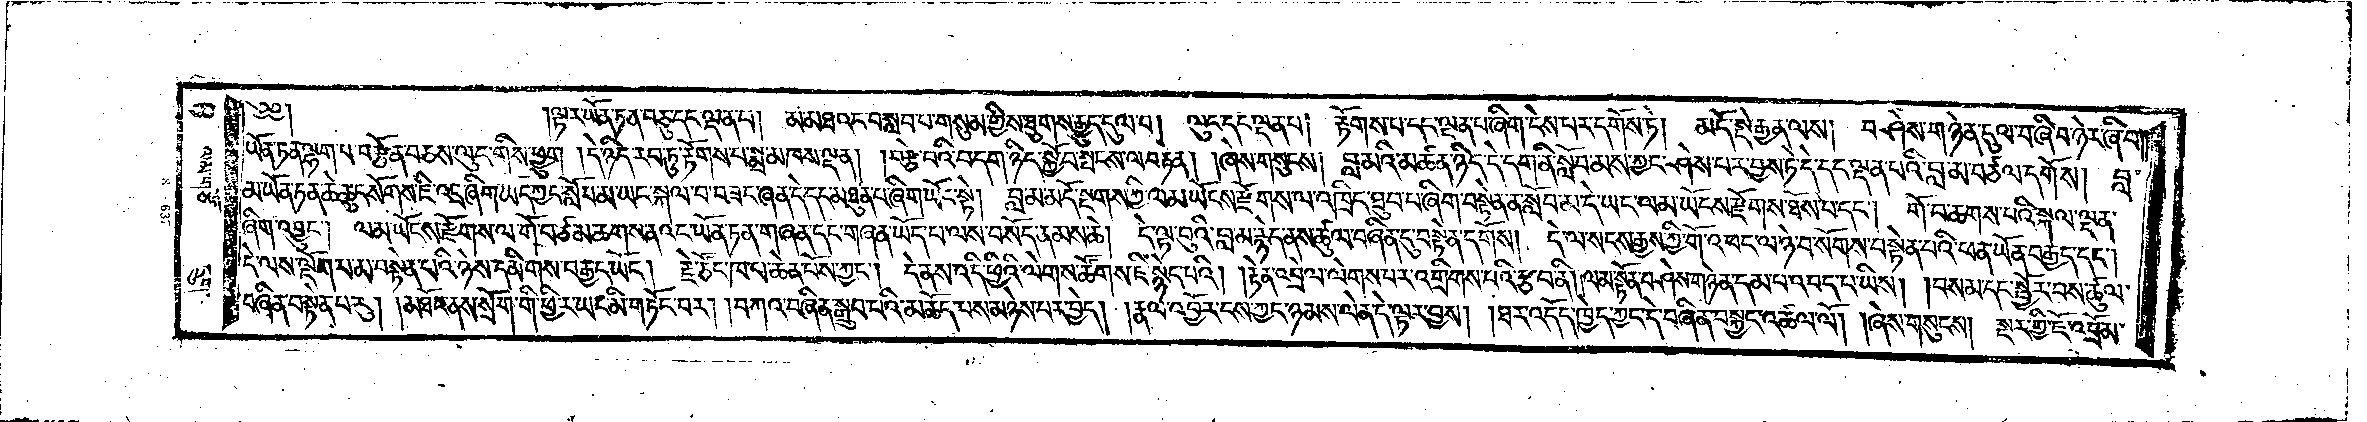༄༅། །ལྟར་ཡོན་ཏན་བཅུ་དང་ལྡན་པ། མ་མཐའང་བསླབ་པ་གསུམ་གྱིས་ཐུགས་རྒྱུད་དུལ་བ། ལུང་དང་ལྡན་པ། རྟོགས་པ་དང་ལྡན་པ་ཞིག་ངེས་པར་དགོས་ཏེ། མདོ་སྡེ་རྒྱན་ལས། བཤེས་གཉེན་དུལ་བ་ཞི་བ་ཉེར་ཞི་བ།།
ཡོན་ཏན་ལྷག་པ་བརྩོན་བཅས་ལུང་གིས་ཕྱུག །དེ་ཉིད་རབ་ཏུ་རྟོགས་པ་སྨྲ་མཁས་ལྡན། །བརྩེ་བའི་བདག་ཉིད་སྐྱོ་བ་སྤངས་ལ་བརྟེན། །ཞེས་གསུངས། བླ་མའི་མཚན་ཉིད་དེ་དག་ནི་སློབ་མས་ཀྱང་ཤེས་པར་བྱས་ཏེ་དེ་དང་ལྡན་པའི་བླ་མ་བཙལ་དགོས། བླ་
མ་ཡོན་ཏན་ཆེ་ཆུང་སོགས་ཇི་འདྲ་ཞིག་ཡོད་ཀྱང་སློབ་མ་ཡང་སྐལ་བ་བཟང་ཞན་དེ་དང་མཐུན་པ་ཞིག་ཡོང་སྟེ། བླ་མ་མདོ་སྔགས་ཀྱི་ལམ་ཡོངས་རྫོགས་ལ་འཁྲིད་ཐུབ་པ་ཞིག་བསྟེན་ན་སློབ་མ་དེ་ཡང་ལམ་ཡོངས་རྫོགས་ཐོས་པ་དང་། གོ་བ་ཆགས་པའི་སྐལ་ལྡན་
ཞིག་འབྱུང་། ལམ་ཡོངས་རྫོགས་ལ་གོ་བ་ཙམ་ཆགས་ནའང་ཡོན་ཏན་གཞན་དང་གཞན་ཡོད་པ་ལས་བསོད་ནམས་ཆེ། དེ་ལྟ་བུའི་བླ་མ་རྙེད་ནས་ཚུལ་བཞིན་དུ་བསྟེན་དགོས། དེ་ལ་སངས་རྒྱས་ཀྱི་གོ་འཕང་ལ་ཉེ་བ་སོགས་བསྟེན་པའི་ཕན་ཡོན་བརྒྱད་དང་།
དེ་ལས་ལྡོག་པ་མ་བསྟེན་པའི་ཉེས་དམིགས་བརྒྱད་ཡོད། རྗེ་ཙོང་ཁ་པ་ཆེན་པོས་ཀྱང་། དེ་ནས་འདི་ཕྱིའི་ལེགས་ཚོགས་ཇི་སྙེད་པའི། །རྟེན་འབྲེལ་ལེགས་པར་འགྲིགས་པའི་རྩ་བ་ནི། །ལམ་སྟོན་བཤེས་གཉེན་དམ་པ་འབད་པ་ཡིས། །བསམ་དང་སྦྱོར་བས་ཚུལ་
བཞིན་བསྟེན་པ་རུ། །མཐོང་ནས་སྲོག་གི་ཕྱིར་ཡང་མི་གཏོང་བར། །བཀའ་བཞིན་སྒྲུབ་པའི་མཆོད་པས་མཉེས་པར་བྱེད། །རྣལ་འབྱོར་ངས་ཀྱང་ཉམས་ལེན་དེ་ལྟར་བྱས། །ཐར་འདོད་ཁྱེད་ཀྱང་དེ་བཞིན་བསྐྱང་འཚལ་ལོ། །ཞེས་གསུངས། སྔར་གྱི་ཇོ་འབྲོམ་